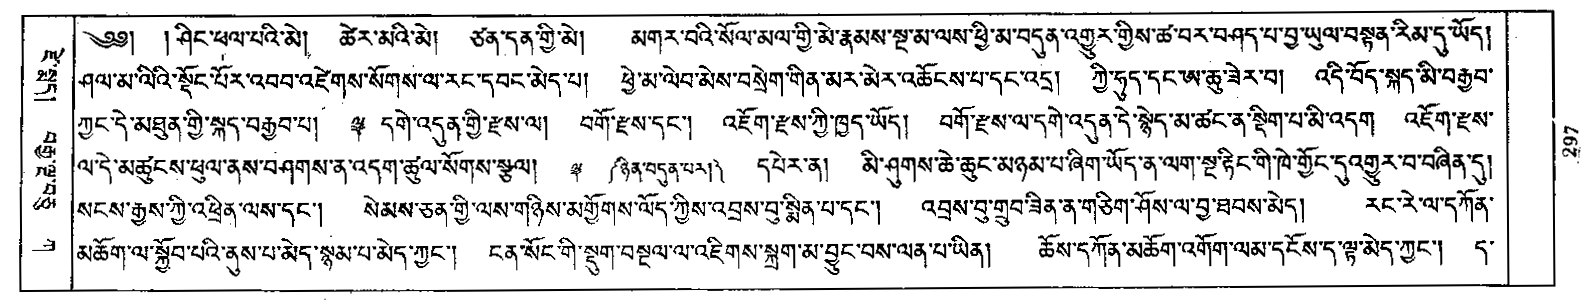༄༅། །ཤིང་ཕལ་པའི་མེ། ཚེར་མའི་མེ། ཙན་དན་གྱི་མེ། མགར་བའི་སོལ་མལ་གྱི་མེ་རྣམས་སྔ་མ་ལས་ཕྱི་མ་བདུན་འགྱུར་གྱིས་ཚ་བར་བཤད་པ་བྱ་ཡུལ་བསྟན་རིམ་དུ་ཡོད།
ཤལ་མ་ལིའི་སྡོང་པོར་འབབ་འཛེགས་སོགས་ལ་རང་དབང་མེད་པ། ཕྱེ་མ་ལེབ་མེས་བསྲེག་གིན་མར་མེར་འཆོངས་པ་དང་འདྲ། ཀྱི་ཧུད་དང་ཨ་ཆུ་ཟེར་བ། འདི་བོད་སྐད་མི་བརྒྱབ་
ཀྱང་དེ་མཐུན་གྱི་སྐད་བརྒྱབ་པ། ༈ དགེ་འདུན་གྱི་རྫས་ལ། བགོ་རྫས་དང་། འཇོག་རྫས་ཀྱི་ཁྱད་ཡོད། བགོ་རྫས་ལ་དགེ་འདུན་དེ་སྙེད་མ་ཚང་ན་སྡིག་པ་མི་འདག་འཇོག་རྫས་
ལ་དེ་མཚུངས་ཕུལ་ནས་བཤགས་ན་འདག་ཚུལ་སོགས་སྩལ། ༈ ?ཉིན་བདུན་པར། དཔེར་ན། མི་ཤུགས་ཆེ་ཆུང་མཉམ་པ་ཞིག་ཡོད་ན་ལག་སྔ་རྟིང་གི་ཁེ་གྱོང་དུ་འགྱུར་བ་བཞིན་དུ།
སངས་རྒྱས་ཀྱི་འཕྲིན་ལས་དང་། སེམས་ཅན་གྱི་ལས་གཉིས་མགྱོགས་ལོད་ཀྱིས་འབྲས་བུ་སྨིན་པ་དང་། འབྲས་བུ་གྲུབ་ཟིན་ན་གཅིག་ཤོས་ལ་བྱ་ཐབས་མེད། རང་རེ་ལ་དཀོན་
མཆོག་ལ་སྐྱོབ་པའི་ནུས་པ་མེད་སྙམ་པ་མེད་ཀྱང་། ངན་སོང་གི་སྡུག་བསྔལ་ལ་འཇིགས་སྐྲག་མ་བྱུང་བས་ལན་པ་ཡིན། ཆོས་དཀོན་མཆོག་ལམ་དངོས་ད་ལྟ་མེད་ཀྱང་། ད་